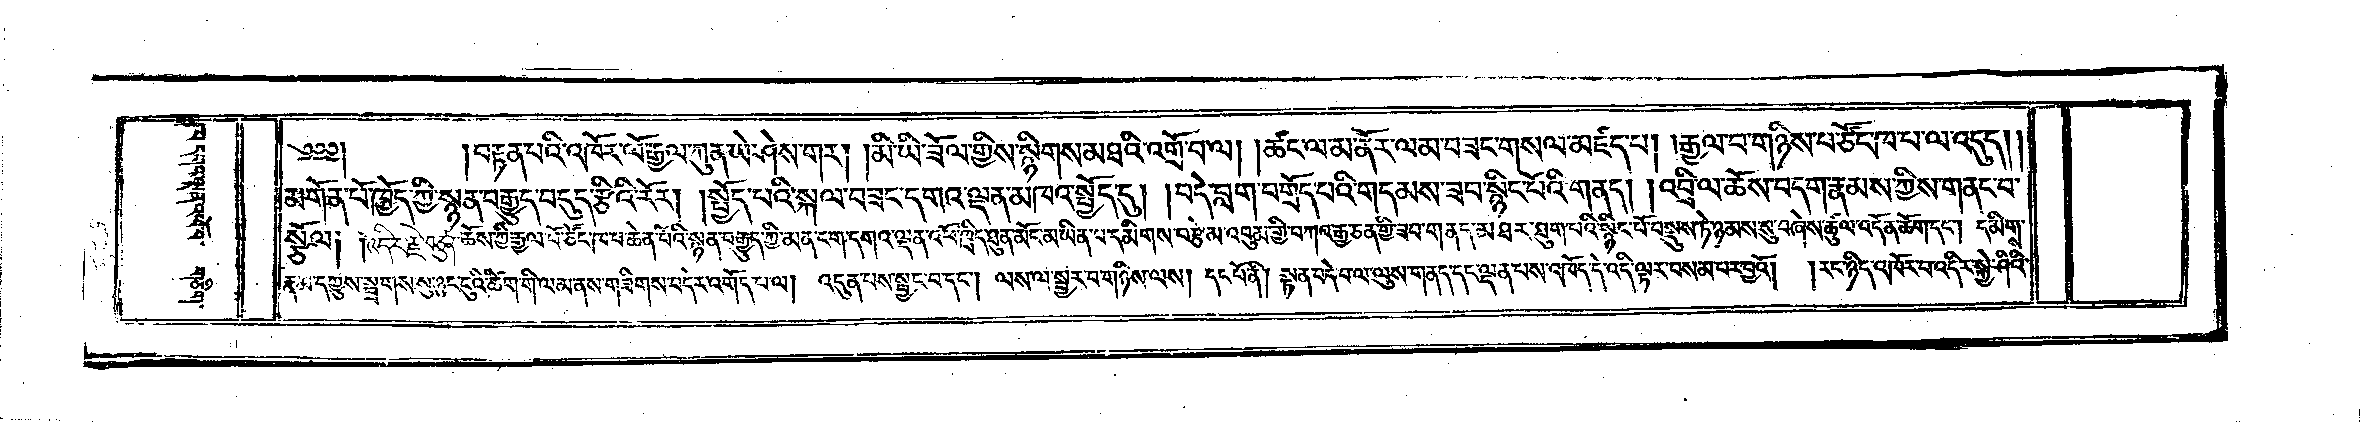༄༅༅། །བརྟན་པའི་འཁོར་ལོ་རྒྱལ་ཀུན་ཡེ་ཤེས་གར། །མི་ཡི་ཟོལ་གྱིས་སྙིགས་མཐའི་འགྲོ་བ་ལ། །ཚང་ལ་མ་ནོར་ལམ་བཟང་གསལ་མཛད་པ། །རྒྱལ་བ་གཉིས་པ་ཙོང་ཁ་པ་ལ་འདུད།།
མགོན་པོ་ཁྱོད་ཀྱི་སྙན་བརྒྱུད་བདུད་རྩིའི་རོར། །སྤྱོད་པའི་སྐལ་བཟང་དགའ་ལྡན་མཁའ་སྤྱོད་དུ། །བདེ་བླག་བགྲོད་པའི་གདམས་ཟབ་སྙིང་པོའི་གནད། །འབྲི་ལ་ཆོས་བདག་རྣམས་ཀྱིས་གནང་བ་
སྩོལ༑ ༑འདིར་རྗེ་བཙུན་ཆོས་ཀྱི་རྒྱལ་པོ་ཙོང་ཁ་པ་ཆེན་པོའི་སྙན་བརྒྱུད་ཀྱི་མན་ངག་དགའ་ལྡན་འཕོ་ཁྲིད་ཐུན་མོང་མ་ཡིན་པ་དམིགས་བརྩེ་མ་འབུམ་གྱི་བཀའ་རྒྱ་ཅན་གྱི་ཟབ་གནད་མཐར་ཐུག་པའི་སྙིང་པོ་བསྡུས་ཏེ་ཉམས་སུ་བཞེས་ཚུལ་འདོན་ཆོག་དང་། དམིགས་
རྣམ་དཀྱུས་སྦྲགས་སུ་ཉུང་དུའི་ཚིག་གི་ལམ་ནས་གཟིགས་བདེར་འགོད་པ་ལ། འདུན་པས་སྦྱང་བ་དང་། ལས་ལ་སྦྱར་བ་གཉིས་ལས། དང་པོ་ནི། སྟན་བདེ་བ་ལ་ལུས་གནད་དང་ལྡན་པས་འཁོད་དེ་འདི་ལྟར་བསམ་པར་བྱའོ། །རང་ཉིད་འཁོར་པ་འདིར་སྐྱེ་ཤིའི་